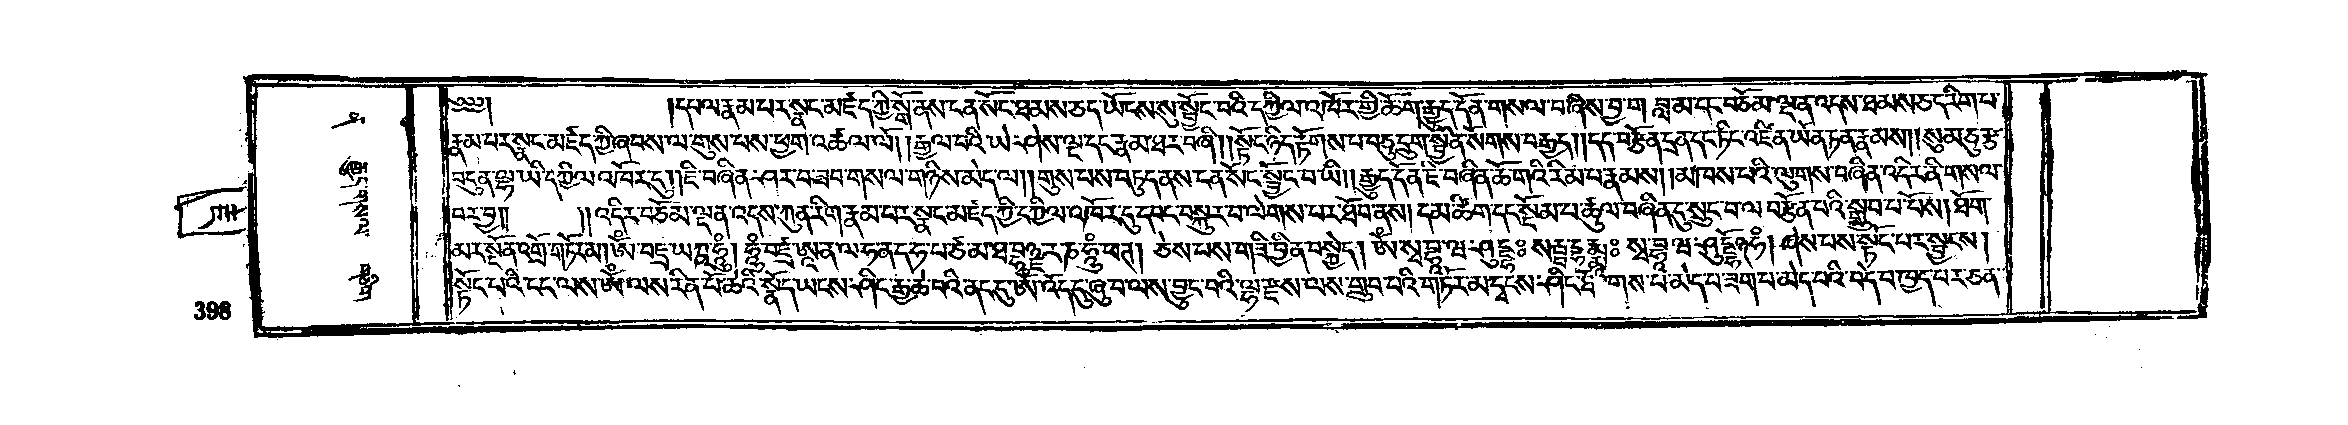༄༅༅། །དཔལ་རྣམ་པར་སྣང་མཛད་ཀྱི་སྒོ་ནས་ངན་སོང་ཐམས་ཅད་ཡོངས་སུ་སྦྱོང་བའི་དཀྱིལ་འཁོར་གྱི་ཆོ་ག་རྒྱུད་དོན་གསལ་བ་ཞེས་བྱ་བ། བླ་མ་དང་བཅོམ་ལྡན་འདས་ཐམས་ཅད་རིག་པ་
རྣམ་པར་སྣང་མཛད་ཀྱི་ཞབས་ལ་གུས་པས་ཕྱག་འཚལ་ལོ། །རྒྱལ་བའི་ཡེ་ཤེས་ལྔ་དང་རྣམ་ཐར་བཞི། །སྟོང་ཉིད་རྟོགས་པ་བཅུ་དྲུག་སྦྱིན་སོགས་བརྒྱད། །དད་བརྩོན་དྲན་དང་ཏིང་འཛིན་ཡོན་ཏན་རྣམས། །སུམ་ཅུ་རྩ་
བདུན་ལྷ་ཡི་དཀྱིལ་འཁོར་དུ། །ཇི་བཞིན་ཤར་བ་ཟབ་གསལ་གཉིས་མེད་ལ། །གུས་པས་བཏུད་ནས་ངན་སོང་སྦྱོང་བ་ཡི། །རྒྱུད་དོན་ཇི་བཞིན་ཆོ་གའི་རིམ་པ་རྣམས། །མཁས་པའི་ལུགས་བཞིན་འདིར་ནི་གསལ་
བར་བྱ།། །།འདིར་བཅོམ་ལྡན་འདས་ཀུན་རིག་རྣམ་པར་སྣང་མཛད་ཀྱི་དཀྱིལ་འཁོར་དུ་དབང་བསྐུར་བ་ལེགས་པར་ཐོབ་ནས། དམ་ཚིག་དང་སྡོམ་པ་ཚུལ་བཞིན་དུ་སྲུང་བ་ལ་བརྩོན་པའི་སྒྲུབ་པ་པོས། ཐོག་
མར་སྔོན་འགྲོ་གཏོར་མ། ཨོཾ་བཛྲ་ཡཀྵ་ཧཱུཾ། ཧཱུཾ་བཛྲ་ཨཱ་ན་ལ་ཧ་ན་ད་ཧ་པ་ཙ་མ་ཐ་བྷཉྫ་ར་ཎ་ཧཱུཾ་ཕཊ། ཅེས་པས་གཟི་བྱིན་བསྐྱེད། ཨོཾ་སྭ་བྷཱ་ཝ་ཤུདྡྷཿ སརྦྦ་དྷརྨམཿ སྭ་བྷཱ་ཝ་ཤུདྡྷོ་ཉཧཾ། ཞེས་པས་སྟོང་པར་སྦྱངས།
སྟོང་པའི་ངང་ལས་ཨོཾ་ལས་རིན་པོ་ཆེའི་སྣོད་ཡངས་ཤིང་རྒྱ་ཆེ་བའི་ནང་དུ་ཨོཾ་འོད་དུ་ཞུ་བ་ལས་བྱུང་བའི་ལྷ་རྫས་ལས་གྲུབ་པའི་གཏོར་མ་དྭངས་ཤིང་ཐོགས་པ་མེད་པ་ཟག་པ་མེད་པའི་བདེ་བ་ཁྱད་པར་ཅན་